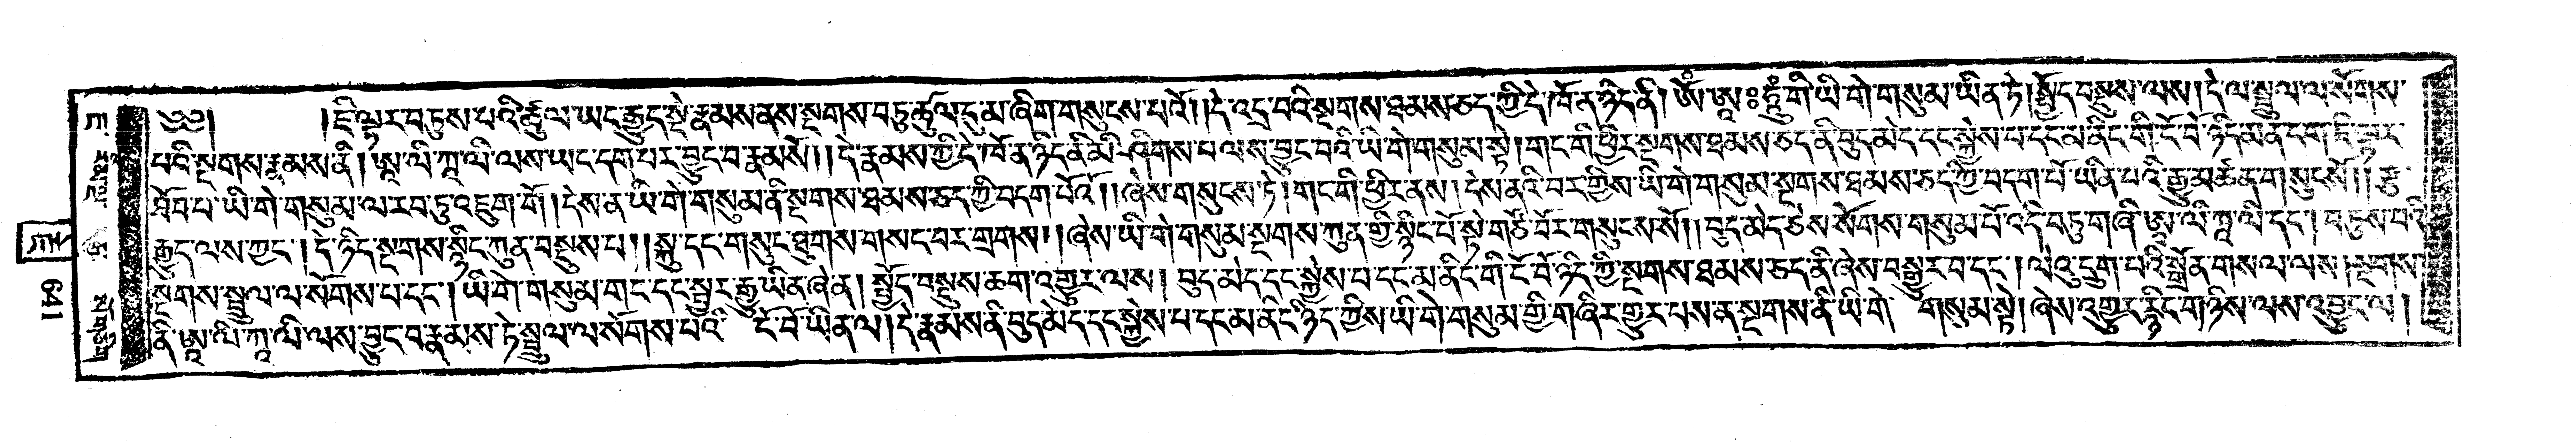༄༅། །ཇི་ལྟར་བཏུས་པའི་ཚུལ་ཡང་རྒྱུད་སྡེ་རྣམས་ནས་སྔགས་བཏུ་ཚུལ་དུ་མ་ཞིག་གསུངས་པའོ། །དེ་འདྲ་བའི་སྔགས་ཐམས་ཅད་ཀྱི་དེ་ཁོ་ན་ཉིད་ནི། ཨོཾ་ཨཱཿ ཧཱུཾ་གེ་ཡི་གེ་གསུམ་ཡིན་ཏེ། སྤྱོད་བསྡུས་ལས། དེ་ལ་སྦྲུལ་ལ་སོགས་
པའི་སྔགས་རྣམས་ནི། ཨཱ་ལི་ཀཱ་ལི་ལས་ཡང་དག་པར་བྱུང་བ་རྣམས་སོ། །དེ་རྣམས་ཀྱི་དེ་ཁོ་ན་ཉིད་ནི་མི་ཤིགས་པ་ལས་བྱུང་བའི་ཡི་གེ་གསུམ་སྟེ། གང་གི་ཕྱིར་སྔགས་ཐམས་ཅད་ནི་བུད་མེད་དང་སྐྱེས་པ་དང་མ་ནིང་གི་ངོ་བོ་ཉིད་མན་ངག་ཇི་ལྟར་
ཐོབ་པ་ཡི་གེ་གསུམ་ལ་རབ་ཏུ་འཇུག་གོ །དེས་ན་ཡི་གེ་གསུམ་ནི་སྔགས་ཐམས་ཅད་ཀྱི་བདག་པོའོ། །ཞེས་གསུངས་ཏེ། གང་གི་ཕྱིར་ན། དེས་ནའི་བར་གྱིས་ཡི་གེ་གསུམ་སྔགས་ཐམས་ཅད་ཀྱི་བདག་པོ་ཡིན་པའི་རྒྱུ་མཚན་གསུངས་སོ། །རྩ་
རྒྱུད་ལས་ཀྱང་། དེ་ཉིད་སྔགས་སྙིང་ཀུན་བསྡུས་པ། །སྐུ་དང་གསུང་ཐུགས་གསང་བར་གྲགས། །ཞེས་ཡི་གེ་གསུམ་སྔགས་ཀུན་གྱི་སྙིང་པོ་སྟེ་གཙོ་བོར་གསུངས་སོ། །བུད་མེད་ཅེས་སོགས་གསུམ་པོ་འདི་བཏུ་གཞི་ཨཱ་ལི་ཀཱ་ལི་དང་། བཏུས་པའི་
སྔགས་སྦྲུལ་ལ་སོགས་པ་དང་། ཡི་གེ་གསུམ་གང་དང་སྦྱར་རྒྱུ་ཡིན་ཞེ་ན། སྤྱོད་བསྡུས་ཆག་འགྱུར་ལས། བུད་མེད་དང་སྐྱེས་པ་དང་མ་ནིང་གི་ངོ་བོ་ཉིད་ཀྱི་སྔགས་ཐམས་ཅད་ནི་ཞེས་བསྒྱུར་བ་དང་། ལེའུ་དྲུག་པའི་སྒྲོན་གསལ་ལས། སྔགས་
ནི་ཨཱ་ལི་ཀཱ་ལི་ལས་བྱུང་བ་རྣམས་ཏེ་སྦྲུལ་ལ་སོགས་པའི་ངོ་བོ་ཡིན་ལ། དེ་རྣམས་ནི་བུད་མེད་དང་སྐྱེས་པ་དང་མ་ནིང་ཉིད་ཀྱིས་ཡི་གེ་གསུམ་གྱི་གཞིར་གྱུར་པས་ན་སྔགས་ནི་ཡི་གེ་གསུམ་སྟེ། ཞེས་འགྱུར་རྙིང་གཉིས་ལས་འབྱུང་ལ།